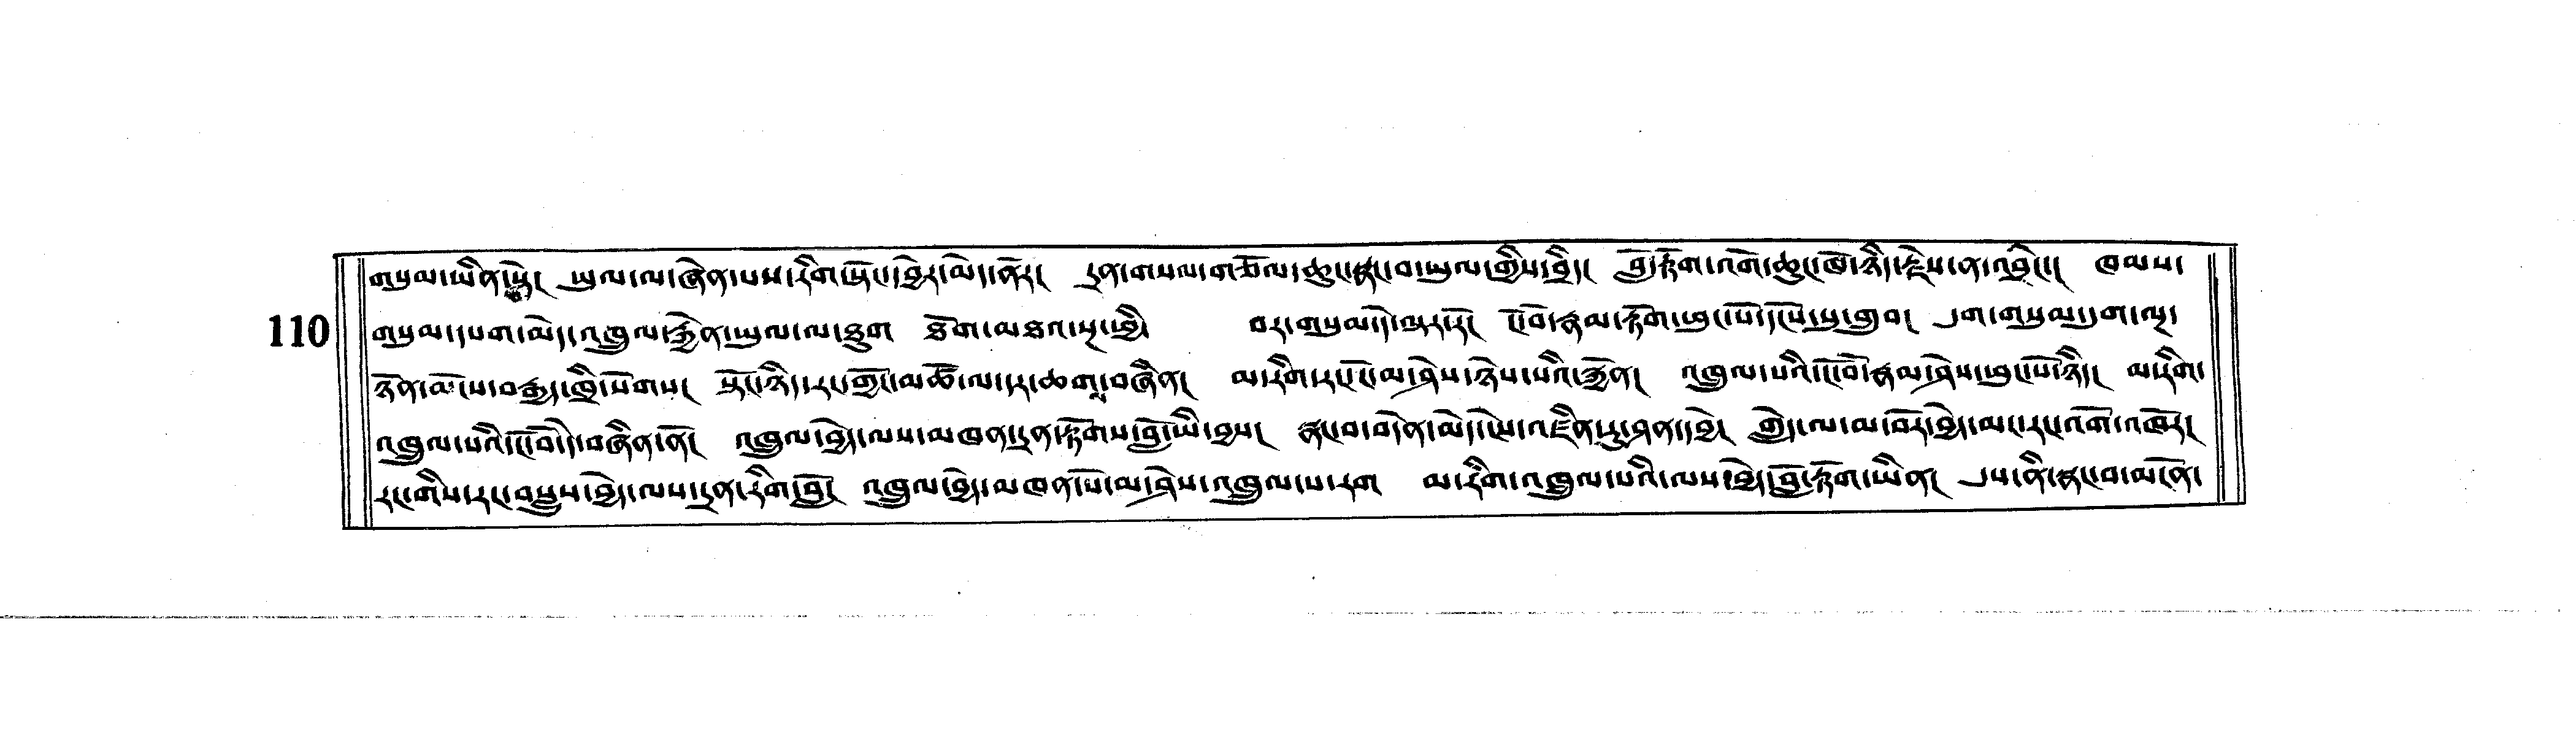གསུམ་ཡིན་ཏེ། ཡུལ་ལ་ཞེན་པས་རིག་སྟོང་དབྱེར་མེད་ནོར། དྲན་གསལ་ཅོལ་ཆུང་སྣང་བ་ཡུལ་གྱིས་བྲིད། བློ་རྟོག་འགོ་ཆུང་ཁོ་ཉིད་རྗེས་ན་འབྲེངས། ཁམས་
གསུམ་དཔག་མེད་འཁྲུལ་རྐྱེན་ཡུལ་ལ་ཐུག ཐོག་མཐའ་སྔ་ཕྱི། བར་གསུམ་དེ་ལྟར་རོ། ངོ་བོ་རྣམ་རྟོག་ཕུང་པོ་དངོས་སུ་གྲུབ། དུག་གསུམ་དུག་ལྔ་
ཉོན་མོངས་བརྒྱད་ཁྲི་སོགས། སྟོང་ཉིད་རང་གྱོང་མཚོ་ལ་དར་ཆགས་བཞིན། མ་རིག་རང་ངོ་མ་ཤེས་ཉེས་པའི་སྐྱོན། འཁྲུལ་པའི་ངོ་བོ་རྣམ་ཤེས་ཕུང་པོ་ཉིད། མ་རིག་
འཁྲུལ་པའི་ངོ་བོ་དེ་བཞིན་ནོ། འཁྲུལ་བྱེད་ལས་མཁན་དྲན་རྟོག་བློ་ཡིས་བྱས། སྣང་བ་བདེན་མེད་ངེས་འཛིན་རུ་ཤན་དབྱེ། གླེད་ལ་མ་བོར་བྱེད་མང་རང་འགོ་འཁོར།
རང་གིས་རང་བསླུས་བྱེད་ལས་དྲན་རིག་བློ། འཁྲུལ་བྱེད་མཁན་པོ་མ་ཤེས་འཁྲུལ་པ་རག། མ་རིག་འཁྲུལ་པའི་ལས་བྱེད་བློ་རྟོག་ཡིན། དུས་ནི་སྣང་བ་མངོན་